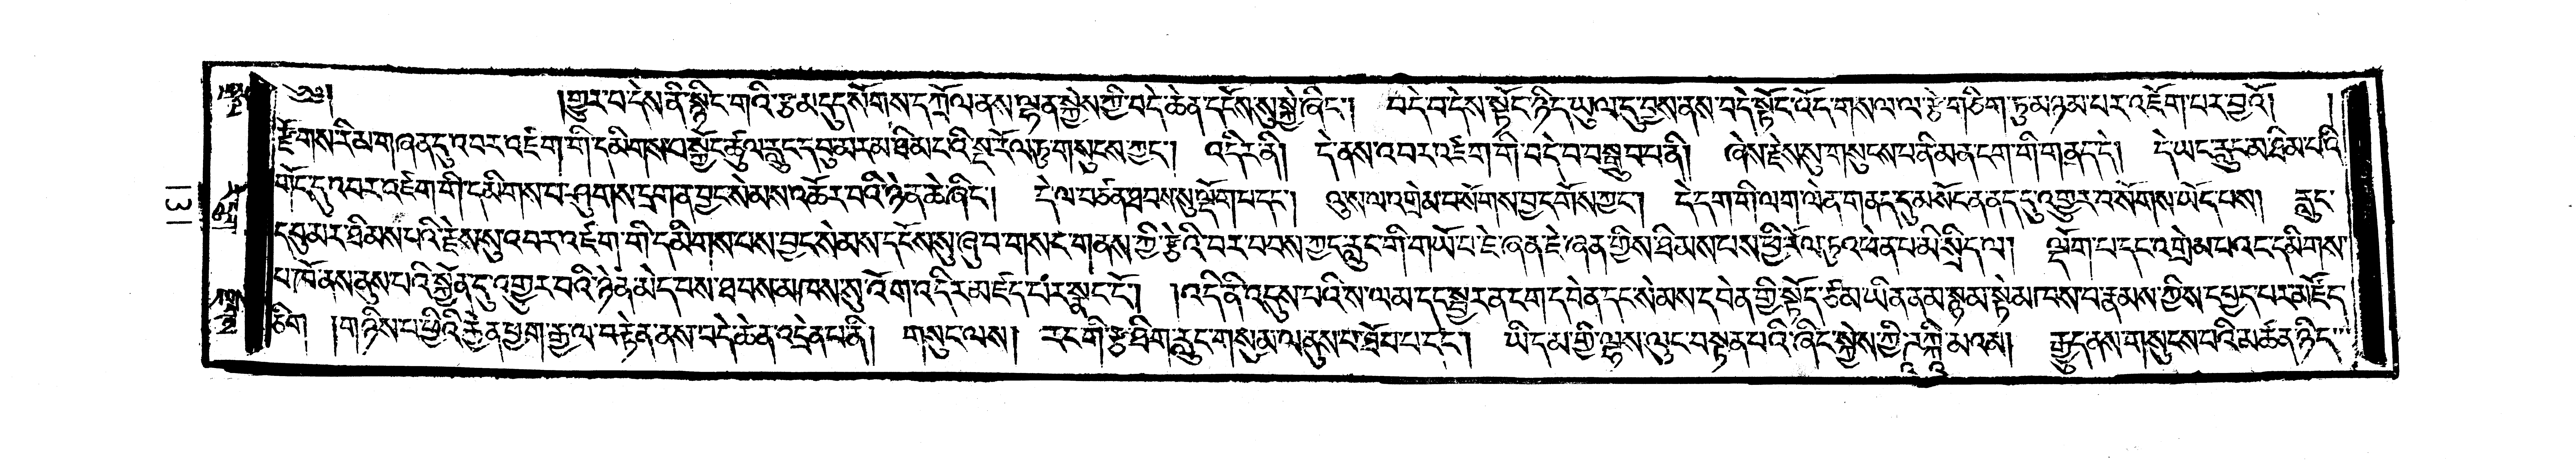༄༅། །གྱུར་པ་དེས་ནི་སྙིང་གའི་རྩམ་དུད་སོགས་དཀྲོལ་ནས་ལྷན་སྐྱེས་ཀྱི་བདེ་ཆེན་དངོས་སུ་སྐྱེ་ཞིང་། བདེ་བ་དེས་སྟོང་ཉིད་ཡུལ་དུ་བྱས་ནས་བདེ་སྟོང་འོད་གསལ་ལ་རྩེ་གཅིག་ཏུ་མཉམ་པར་འཇོག་པར་བྱའོ། །
རྫོགས་རིམ་གཞན་དུ་འབར་འཛག་གི་དམིགས་པ་སྐྱོང་ཚུལ་རླུང་དབུ་མར་མ་ཐིམ་པའི་སྔ་རོལ་ཏུ་གསུངས་ཀྱང་། འདིར་ནི། དེ་ནས་འབར་འཛག་གི་བདེ་བ་བསྒྲུབ་པ་ནི། ཞེས་རྗེས་སུ་གསུངས་པ་ནི་མན་ངག་གི་གནད་དེ། དེ་ཡང་རླུང་མ་ཐིམ་པའི་
གོང་དུ་འབར་འཛག་གི་དམིགས་པ་ཤུགས་དྲག་ན་བྱང་སེམས་འཆོར་བའི་ཉེན་ཆེ་ཞེང་། དེ་ལ་བཙན་ཐབས་སུ་ལྡོག་པ་དང་། ལུས་ལ་འགྲེམ་པ་སོགས་བྱ་དགོས་ཀྱང་། དེ་དག་གི་ལག་ལེན་གནད་དུ་མ་སོང་ན་ནད་དུ་འགྱུར་བ་སོགས་ཡོད་པས། རླུང་
དབུ་མར་ཐིམས་པའི་རྗེས་སུ་འབར་འཛག་གི་དམིགས་པས་བྱང་སེམས་དངོས་སུ་ཞུ་བ་གསང་གནས་ཀྱི་རྩེའི་བར་བབས་ཀྱང་རླུང་གི་གཡོ་བ་ཇེ་ཞན་ཇེ་ཞན་གྱིས་ཐིམས་པས་ཕྱི་རོལ་ཏུ་འཕེན་པ་མི་སྲིད་ལ། ལྡོག་པ་དང་འགྲེམ་པའང་དམིགས་
པ་ཁོ་ནས་ནུས་པས་སྐྱོན་དུ་འགྱུར་བའི་ཉེན་མེད་པས་ཐབས་མཁས་སུ་འོག་འདིར་མཛད་པར་སྣང་ངོ། །འདི་ནི་འདུས་པའི་ས་ལམ་དང་སྦྱར་ན་ངག་དབེན་དང་སེམས་དབེན་གྱི་སྟོད་ཙམ་ཡིན་ནམ་སྙམ་སྟེ་མཁས་པ་རྣམས་ཀྱིས་དཔྱད་པར་མཛོད་
ཅིག །གཉིས་པ་ཕྱིའི་རྐྱེན་ཕྱག་རྒྱ་ལ་བརྟེན་ནས་བདེ་ཆེན་འདྲེན་པ་ནི། གསུང་ལས། རང་གི་རྩ་ཐིག་རླུང་གསུམ་ལ་ནུས་པ་ཐོབ་པ་དང་། ཡི་དམ་གྱི་ལྷས་ལུང་བསྟན་པའི་ཞིང་སྐྱེས་ཀྱི་ཌཱ་ཀི་མའམ། རྒྱུད་ནས་གསུངས་པའི་མཚན་ཉིད་